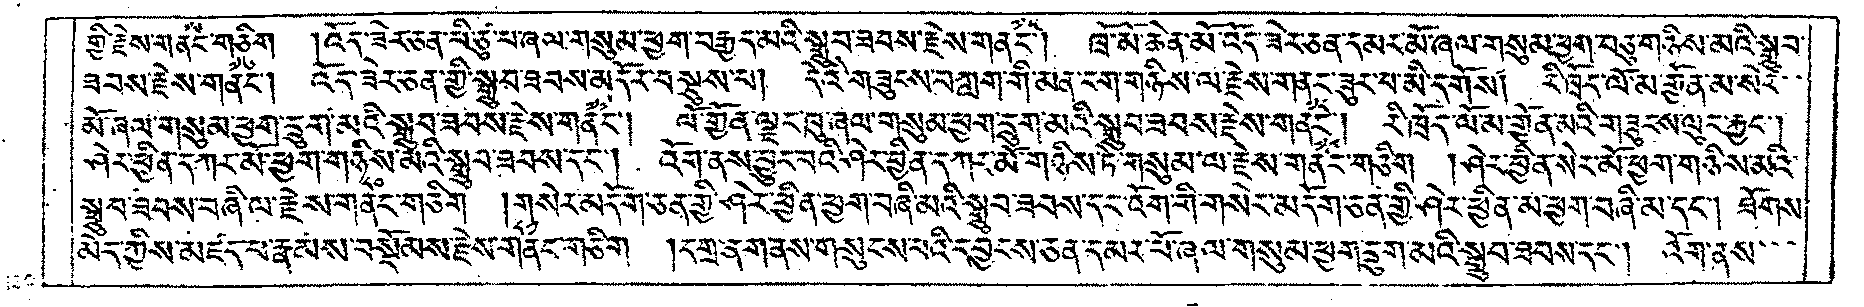གྱི་རྗེས་གནང ༧༤་གཅིག །འོད་ཟེར་ཅན་པི་ཙུ་པ་ཞལ་གསུམ་ཕྱག་བརྒྱད་མའི་སྒྲུབ་ཐབས་རྗེས་གནང ༧༥། ཁྲོ་མོ་ཆེན་མོ་འོད་ཟེར་ཅན་དམར་མོ་ཞལ་གསུམ་ཕྱག་བཅུ་གཉིས་མའི་སྒྲུབ་
ཐབས་རྗེས་གནང ༧༦། འོད་ཟེར་ཅན་གྱི་སྒྲུབ་ཐབས་མདོར་བསྡུས་པ། དེའི་གཟུངས་བཀླག་གི་མན་ངག་གཉིས་ལ་རྗེས་གནང་ཟུར་པ་མི་དགོས། རི་ཁྲོད་ལོ་མ་གྱོན་མ་སེར་
མོ་ཞལ་གསུམ་ཕྱག་དྲུག་མའི་སྒྲུབ་ཐབས་རྗེས་གནང ༧༧། ལོ་གྱོན་ལྗང་ཁུ་ཞལ་གསུམ་ཕྱག་དྲུག་མའི་སྒྲུབ་ཐབས་རྗེས་གནང ༧༨། རི་ཁྲོད་ལོ་མ་གྱོན་མའི་གཟུངས་ལུང་རྐྱང་།
ཤེར་ཕྱིན་དཀར་མོ་ཕྱག་གཉིས་མའི་སྒྲུབ་ཐབས་དང་། འོག་ནས་བྱུང་བའི་ཤེར་ཕྱིན་དཀར་མོ་གཉིས་ཏེ་གསུམ་ལ་རྗེས་གནང ༧༩་གཅིག །ཤེར་ཕྱིན་སེར་མོ་ཕྱག་གཉིས་མའི་
སྒྲུབ་ཐབས་བཞི་ལ་རྗེས་གནང ༨༠་གཅིག །གསེར་མདོག་ཅན་གྱི་ཤེར་ཕྱིན་ཕྱག་བཞི་མའི་སྒྲུབ་ཐབས་དང་འོག་གི་གསེར་མདོག་ཅན་གྱི་ཤེར་ཕྱིན་མ་ཕྱག་བཞི་མ་དང་། ཐོགས་
མེད་ཀྱིས་མཛད་པ་རྣམས་བསྡོམས་རྗེས་གནང ༨༡་གཅིག །དགྲ་ནག་ནས་གསུངས་པའི་དབྱངས་ཅན་དམར་པོ་ཞལ་གསུམ་ཕྱག་དྲུག་མའི་སྒྲུབ་ཐབས་དང་། འོག་ནས་